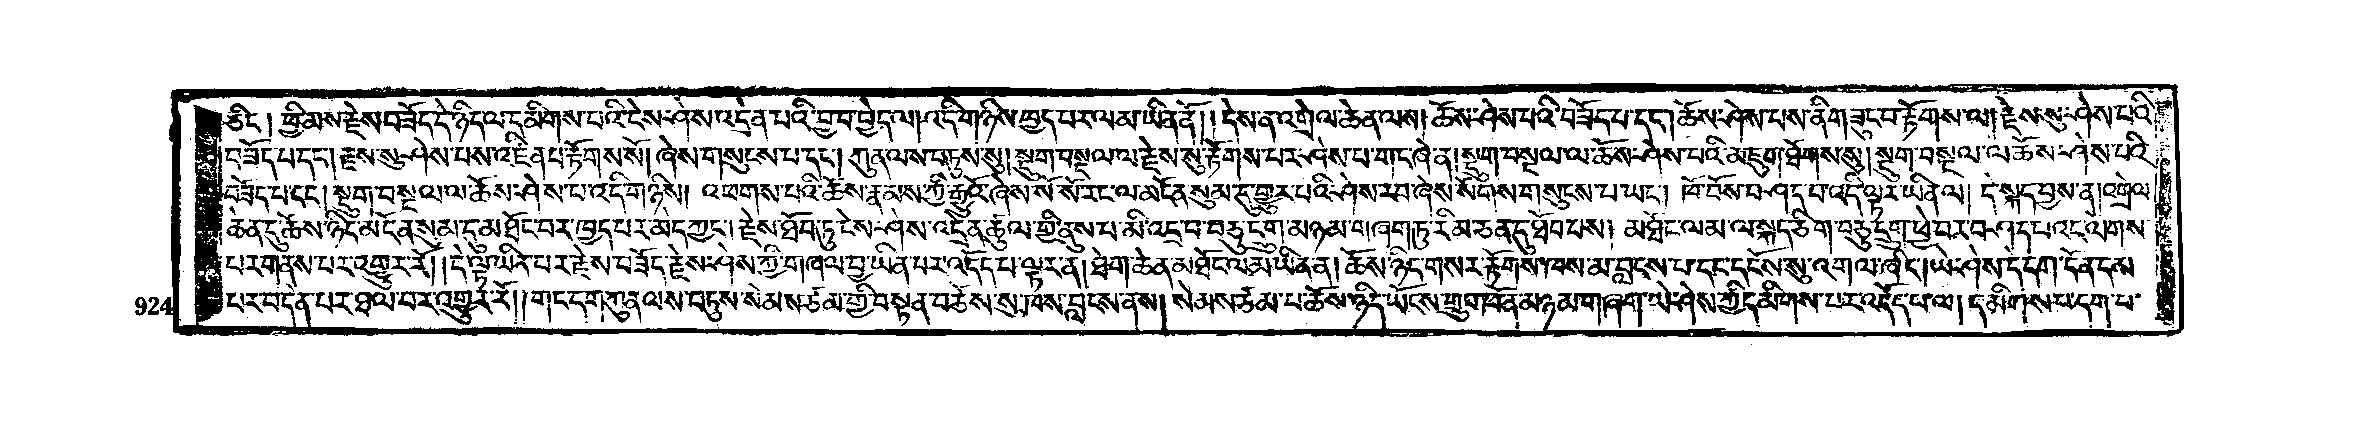ཅིང་། ཕྱི་མས་རྗེས་བཟོད་དེ་ཉིད་ལ་དམིགས་པའི་ངེས་ཤེས་འདྲེན་པའི་བྱ་བ་བྱེད་ལ། འདི་གཉིས་ཁྱད་པར་ལམ་ཡིན་ནོ། །དེས་ན་འགྲེལ་ཆེན་ལས། ཆོས་ཤེས་པའི་བཟོད་པ་དང་། ཆོས་ཤེས་པས་ནི་གཟུང་པ་རྟོགས་ལ། རྗེས་སུ་ཤེས་པའི་
བཟོད་པ་དང་། རྗེས་སུ་ཤེས་པས་འཛིན་པ་རྟོགས་སོ། །ཞེས་གསུངས་པ་དང་། ཀུན་ལས་བཏུས་སུ། སྡུག་བསྔལ་ལ་རྗེས་སུ་རྟོགས་པར་ཤེས་པ་གང་ཞེ་ན། སྡུག་བསྔལ་ལ་ཆོས་ཤེས་པའི་མཇུག་ཐོགས་སུ། སྡུག་བསྔལ་ལ་ཆོས་ཤེས་པའི་
བཟོད་པ་དང་། སྡུག་བསྔལ་ལ་ཆོས་ཤེས་པའི་འདི་གཉིས། འཕགས་པའི་ཆོས་རྣམས་ཀྱི་རྒྱུའོ་ཞེས་སོ་སོ་རང་ལ་མངོན་སུམ་དུ་གྱུར་པའི་ཤེས་རབ་ཞེས་སོགས་གསུངས་པ་ཡང་། ཁོ་བོས་བཤད་པ་འདི་ལྟར་ཡིན་ལ། དེ་སྐད་བྱས་ན། འགྲེལ་
ཆེན་དུ་ཆོས་ཉིད་མངོན་སུམ་དུ་མཐོང་བར་ཁྱད་པར་མེད་ཀྱང་། རྗེས་ཐོབ་ཏུ་ངེས་ཤེས་འདྲེན་ཚུལ་གྱི་ནུས་པ་མི་འདྲ་བ་བཅུ་དྲུག་མཉམ་གཞག་ཏུ་རིམ་ཅན་དུ་ཐོབ་པས། མཐོང་ལམ་ལ་སྐད་ཅིག་བཅུ་དྲུག་ཕྱེ་བར་བཤད་པའང་ལེགས་
པར་གནས་པར་འགྱུར་རོ། །དེ་ལྟ་ཡིན་པར་རྗེས་བཟོད་རྗེས་ཤེས་ཀྱི་གཞལ་བྱ་ཡིན་པར་འདོད་པ་ལྟར་ན། ཐེག་ཆེན་མཐོང་ལམ་ཡིན་ན། ཆོས་ཉིད་གསར་རྟོགས་ཁས་མ་བླངས་པ་དང་དངོས་སུ་འགལ་ཞིང་། ཡེ་ཤེས་དེ་དག་དོན་དམ་
པར་བདེན་པར་ཐལ་བར་འགྱུར་རོ། །གང་དག་ཀུན་ལས་བཏུས་སེམས་ཙམ་གྱི་བསྟན་བཅོས་སུ་ཁས་བླངས་ནས། སེམས་ཙམ་པ་ཆོས་ཉིད་ཡོངས་སུ་གྲུབ་བ་ཁོ་ན་མཉམ་གཞག་ཡེ་ཤེས་ཀྱི་དམིགས་པར་འདོད་པ་ལ། དམིགས་པ་དག་ལ་